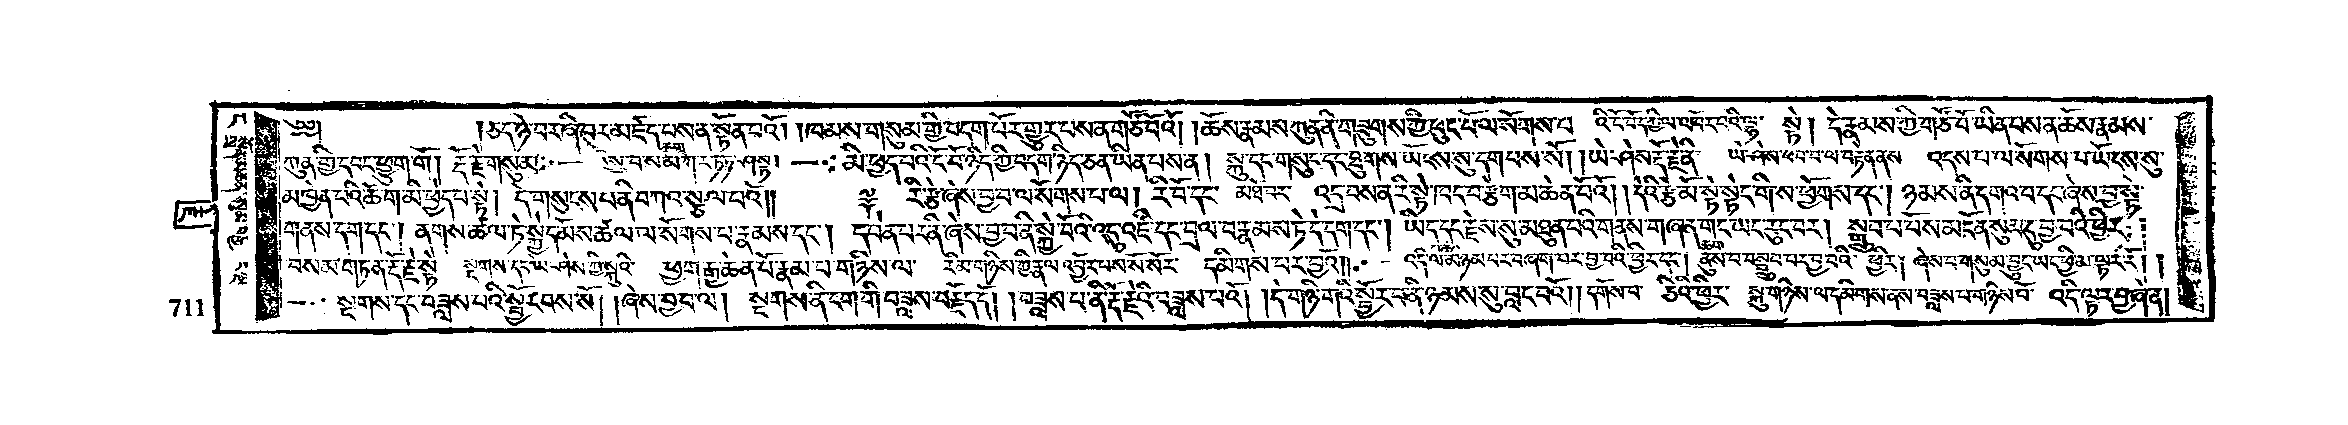༄༅། །ཅད་ཉེ་བར་ཞི་བར་མཛད་པས་ན་སྟོན་པའོ། །ཁམས་གསུམ་གྱི་བདག་པོར་གྱུར་པས་ན་གཙོ་བོའོ། །ཆོས་རྣམས་ཀུན་ནི་གཟུགས་ཀྱི་ཕུང་པོ་ལ་སོགས་པའི་ངོ་བོ་དཀྱིལ་འཁོར་བའི་ལྷ་སྟེ། དེ་རྣམས་ཀྱི་གཙོ་བོ་ཡིན་པས་ན་ཆོས་རྣམས་
ཀུན་གྱི་དབང་ཕྱུག་གོ །རྡོ་རྗེ་གསུམ་ཨ་བ་ས་ཆག་མ་ཀ་ར་ཏཏ་ཤ་སྟེ།  མི་ཕྱེད་པའི་ངོ་བོ་ཉིད་ཀྱི་བདག་ཉིད་ཅན་ཡིན་པས་ན་སྐུ་དང་གསུང་དང་ཐུགས་ཡོངས་སུ་དག་པས་སོ། །ཡེ་ཤེས་རྡོ་རྗེ་ནི་ཡེ་ཤེས་ཕབ་པ་ལ་བརྟེན་ནས་འདས་པ་ལ་སོགས་པ་ཡོངས་སུ་
མཁྱེན་པའི་ཆོ་ག་མི་ཕྱེད་པ་སྟེ། དེ་གསུངས་པ་ནི་བཀའ་སྩལ་པའོ།། ༈ རི་རྩེ་ཞེས་བྱ་བ་ལ་སོགས་པ་ལ། རི་བོ་དང་། མཐོ་བར་འདྲ་བས་ན་རི་སྟེ་ཁང་པ་རྩོག་ཆེན་པོའོ། །དེའི་རྩེ་མོ་སྟེ་སྟེང་གིས་ཕྱོགས་དང་། ཉམས་ནི་དགའ་བ་དང་ཞེས་བྱ་བ་སྟེ་
གནས་དག་དང་། ནགས་ཚལ་ཏེ་སྐྱེད་མོས་ཚལ་ལ་སོགས་པ་རྣམས་དང་། དབེན་པར་ནི་ཞེས་བྱ་བ་ནི་སྐྱེ་བོའི་འདུ་འཛི་དང་བྲལ་བ་རྣམས་ཏེ་དེ་དག་དང་། ཡིད་དང་རྗེས་སུ་མཐུན་པའི་གནས་གཞན་གང་ཡང་རུང་བར། སྒྲུབ་པ་པོས་མངོན་སུམ་དུ་བྱ་བའི་ཕྱིར།
བསམ་གཏན་རྡོ་རྗེ་སྟེ་སྔགས་དང་ཡེ་ཤེས་ཀྱི་སྐུའི་ཕྱག་རྒྱ་ཆེན་པོ་རྣམ་པ་གཉིས་ལ་རིམ་གཉིས་ཀྱི་རྣལ་འབྱོར་པས་སོ་སོར་དམིགས་པར་བྱའོ། ། འདི་ལ་པ་ཚབ་མཉམ་པར་བཞག་པར་བྱ་བའི་ཕྱིར་དང་། ཆག་ནུས་པ་བསྒྲུབ་པར་བྱ་བའི་ཕྱིར། ཞེས་པ་གསུམ་བྱུང་ཡང་ཕྱི་མ་ལྟར་རོ། །
སྔགས་དང་བཟླས་པའི་སྦྱོར་བས་སོ། །ཞེས་བྱ་བ་ལ། སྔགས་ནི་ངག་གི་བཟླས་བརྗོད་དོ། །བཟླས་པ་ནི་རྡོ་རྗེའི་བཟླས་པའོ། །དེ་གཉི་གའི་སྦྱོར་བ་ནི་ཉམས་སུ་བླང་བའོ། ། དགོས་པ་ཅིའི་ཕྱིར་སྐུ་གཉིས་ལ་དམིགས་ནས་བཟླས་པ་གཉིས་པོ་འདི་ལྟར་བྱ་ཞེ་ན།